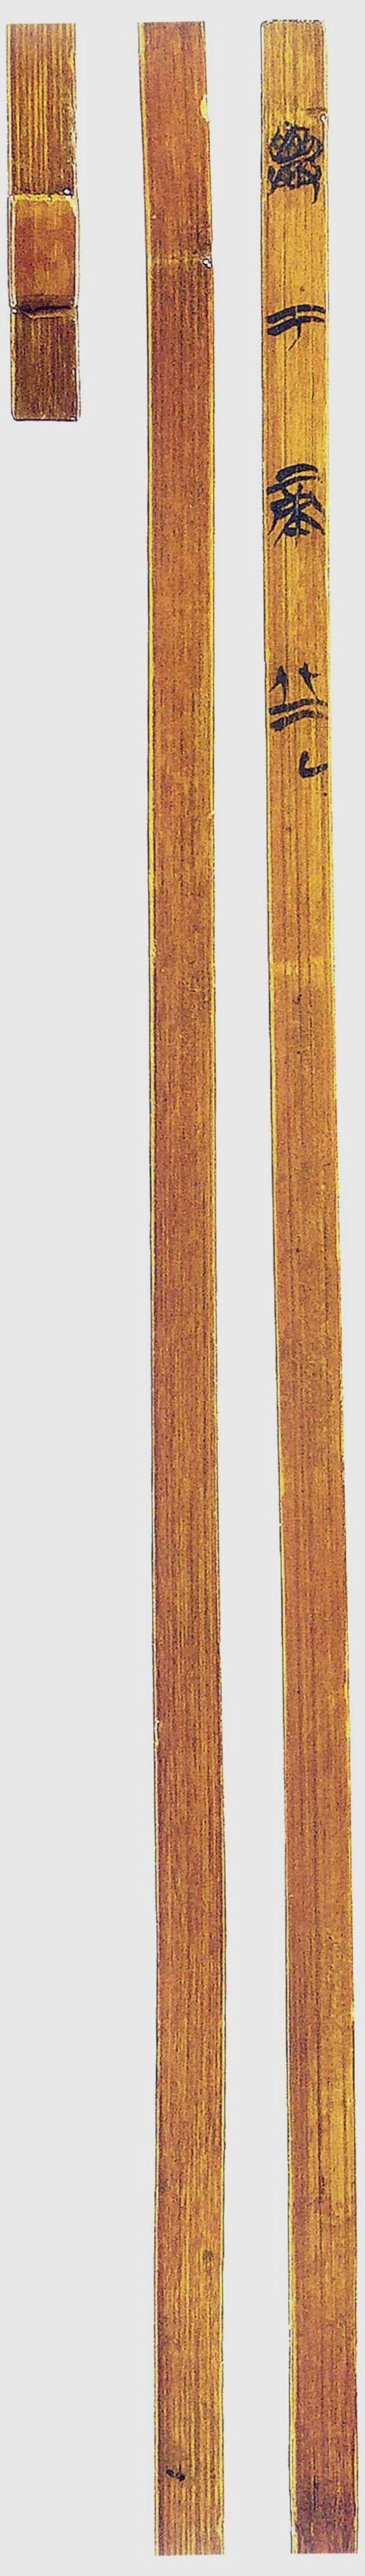䙴于帝丘
